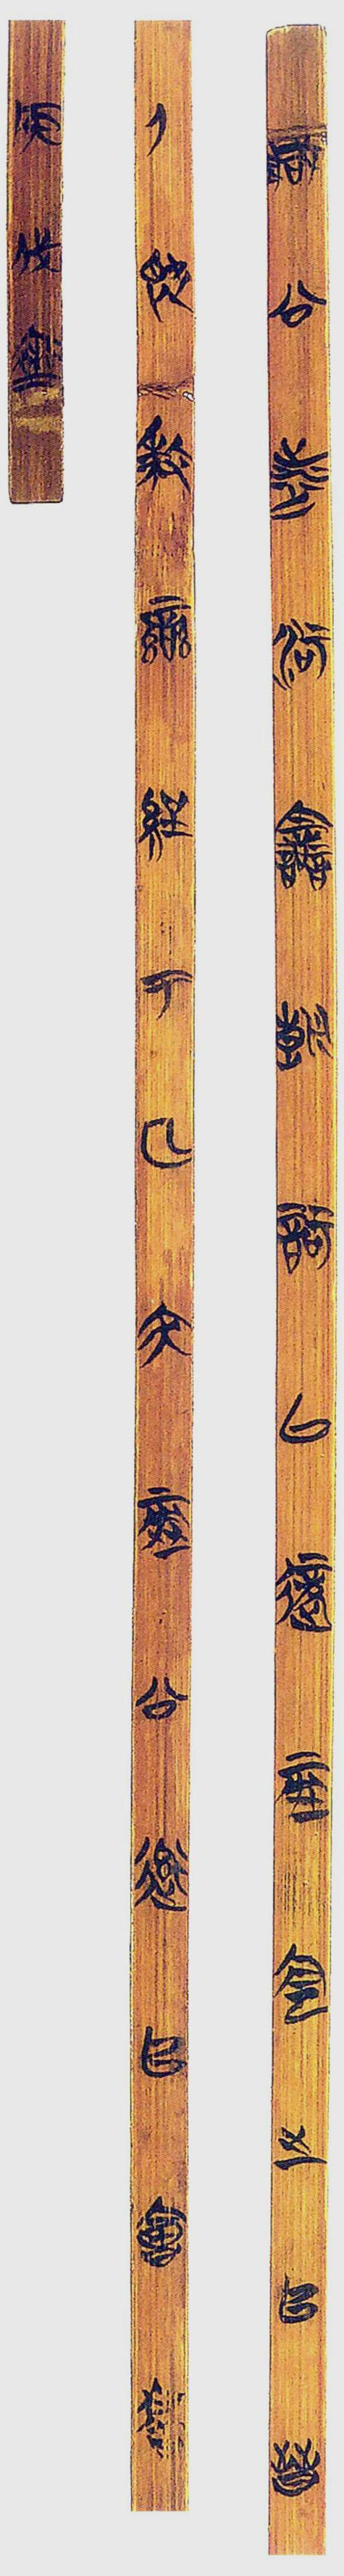戕公涉河{宀言言言}朝訶㠯（以）復坪侌之𠂤晉人既殺{絲言}{糸呈}于曲夭坪公{行幺止}𠂤會者侯伐齊
